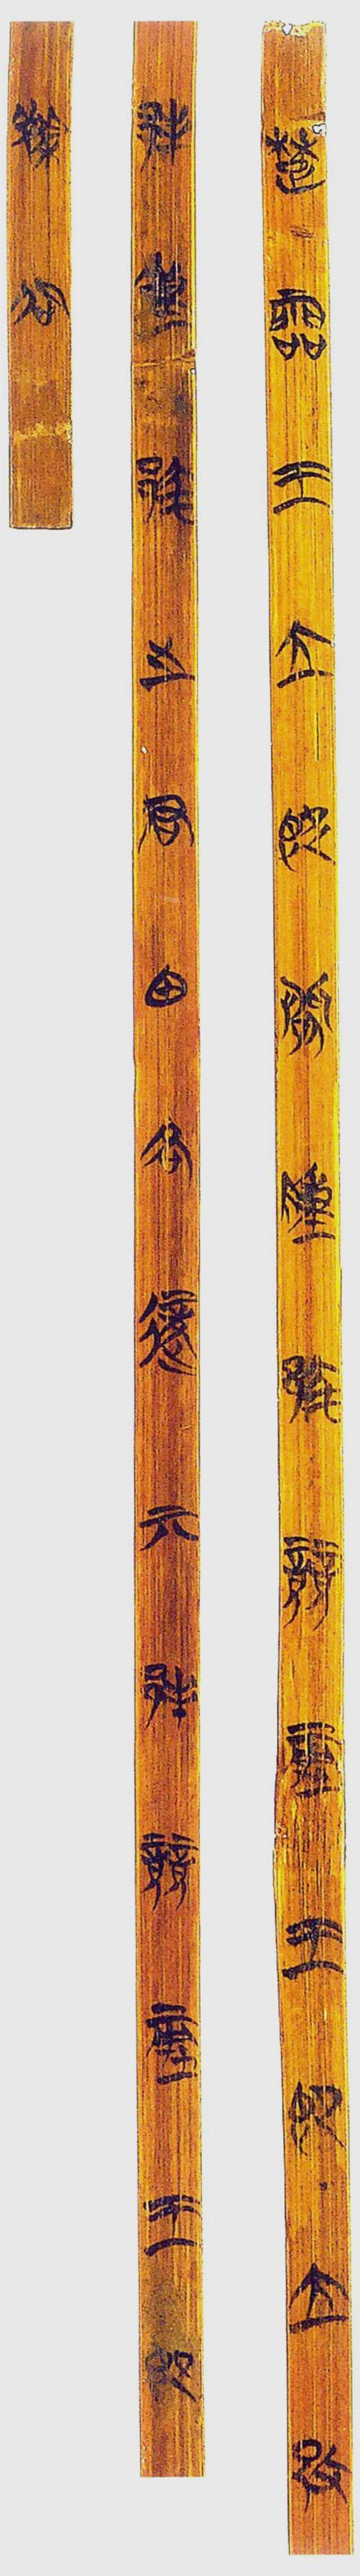楚霝王立既{門夕刀}陳○（蔡）競坪王即立改邦陳○（蔡）之君囟各復亓邦競坪王即殜卲
